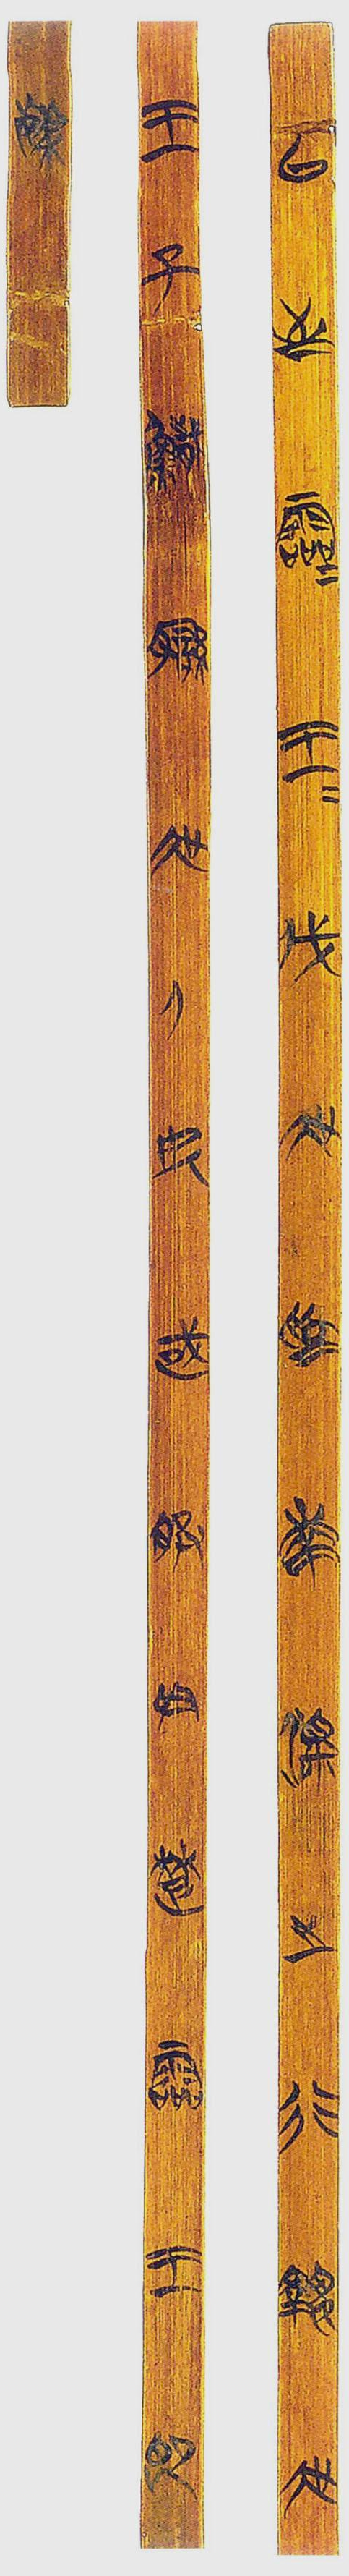㠯（以）至霝=王=伐吳爲南{水眔}之行執吳王子鱥䌛吳人𡚦或服於楚霝王即殜
